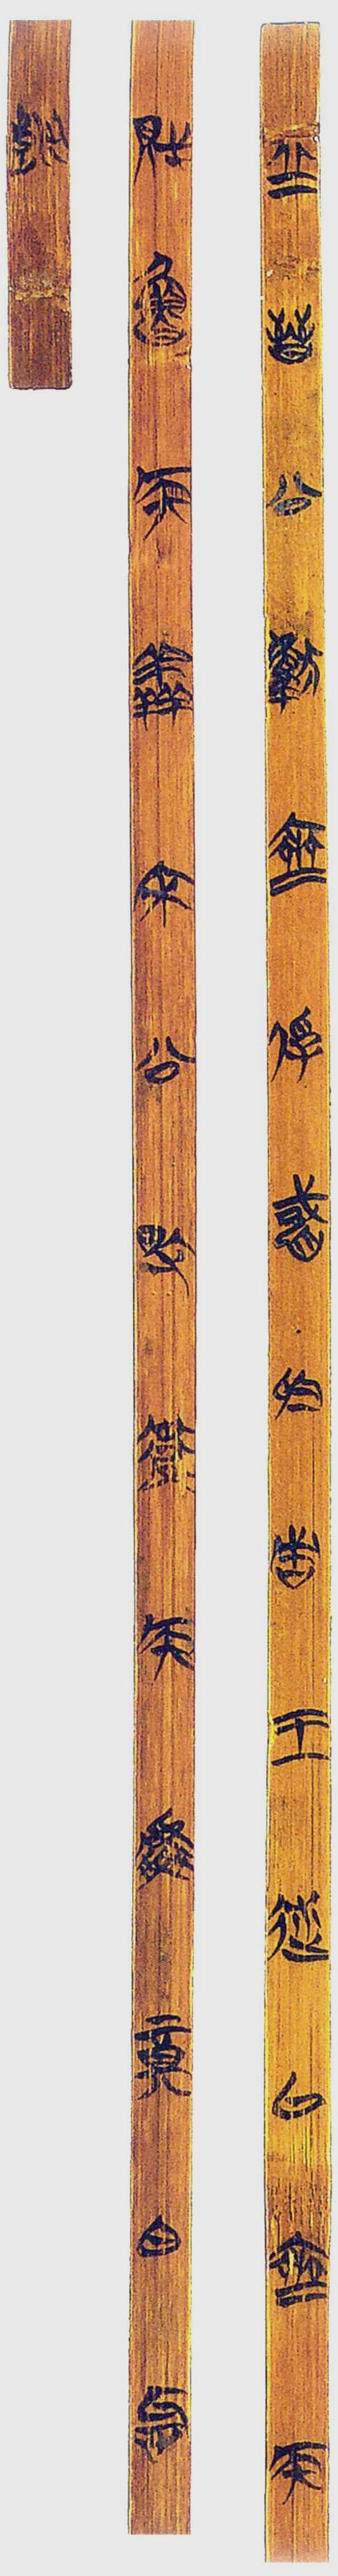丘晉公獻齊俘馘於周王述㠯（以）齊侯{弋貝}魯侯羴宋公畋衛侯虔奠白怠朝
